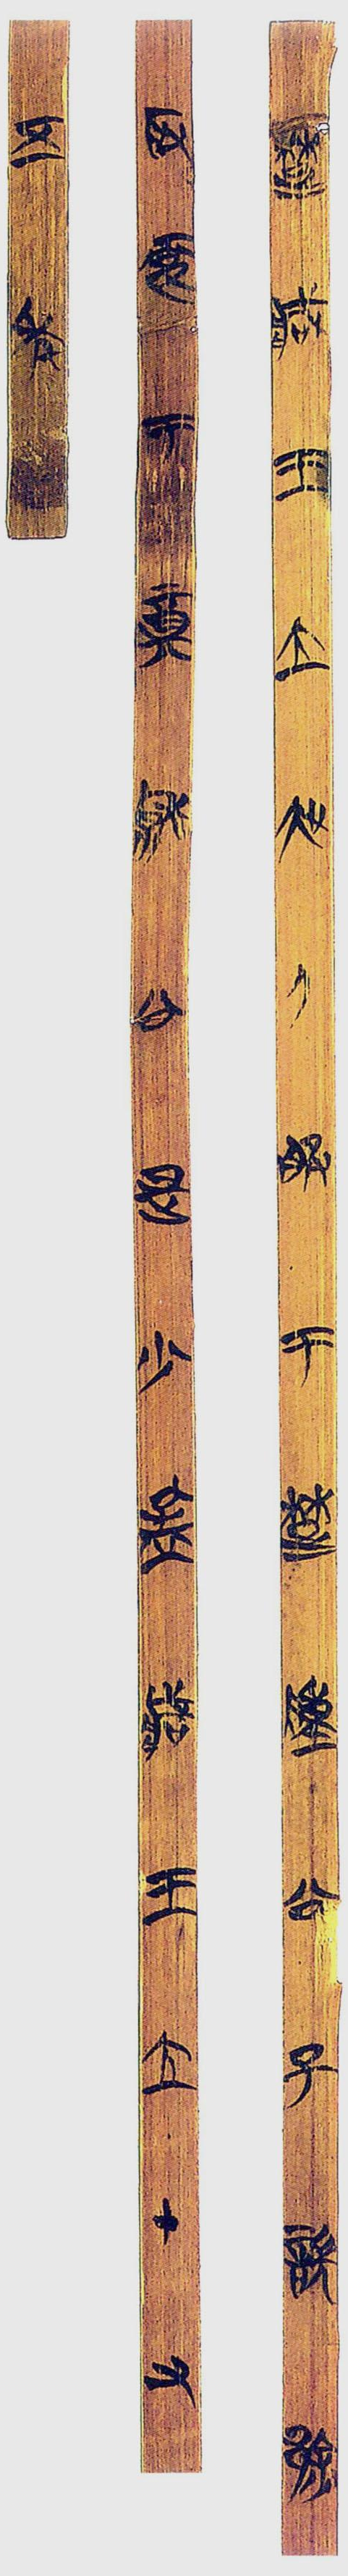楚戕王立吳人服于楚陳公子{言山一王}{余阝}取妻于奠穆公是少{孔皿}戕王立十又五年
